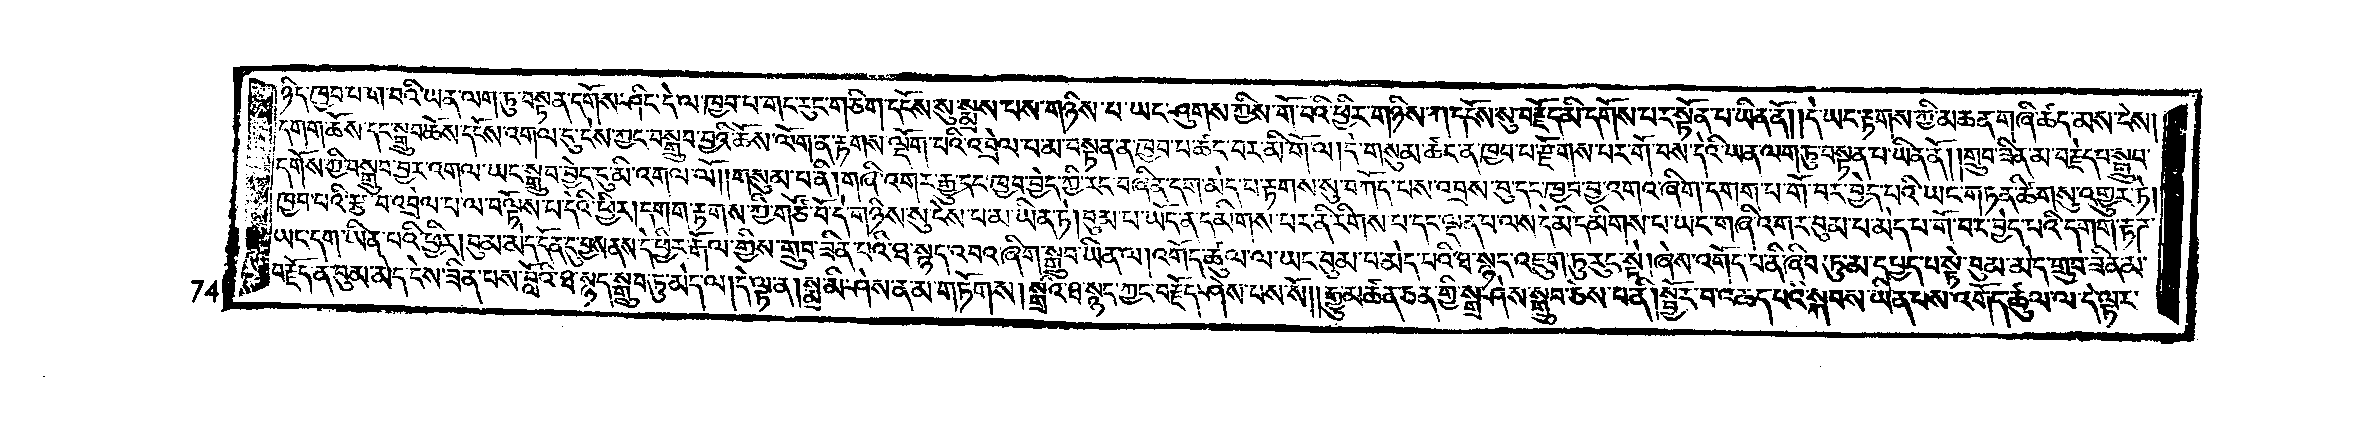ཉིད་ཁྱབ་པ་ག་བའི་ཡན་ལག་ཏུ་བསྟན་དགོས་ཤིང་དེ་ལ་ཁྱབ་པ་གང་རུང་གཅིག་དངོས་སུ་སྨྲས་པས་གཉིས་པ་ཡང་ཤུགས་ཀྱིས་གོ་བའི་ཕྱིར་གཉིས་ཀ་དངོས་སུ་བརྗོད་མི་དགོས་པར་སྟོན་པ་ཡིན་ནོ། །དེ་ཡང་རྟགས་ཀྱི་མཚན་གཞི་ཚད་མས་ངེས།
དགག་ཆོས་དང་སྒྲུབ་ཆོས་དངོས་འགལ་དུ་ངེས་ཀྱང་བསྒྲུབ་བྱའི་ཆོས་ལོག་ན་རྟགས་ལྡོག་པའི་འབྲེལ་པ་མ་བསྟན་ན་ཁྱབ་པ་ཚང་བར་མི་གོ་ལ། དེ་གསུམ་ཚང་ན་ཁྱབ་པ་རྫོགས་པར་གོ་བས་དེའི་ཡན་ལག་ཏུ་བསྟན་པ་ཡིན་ནོ། །གྲུབ་ཟིན་མ་བརྗེད་པ་སྒྲུབ་
དགོས་ཀྱི་བསྒྲུབ་བྱར་འགལ་ཡང་སྒྲུབ་བྱེད་དུ་མི་འགལ་ལོ། །གསུམ་པ་ནི། གཞི་འགར་རྒྱུ་དང་ཁྱབ་བྱེད་ཀྱི་རང་བཞིན་དག་མེད་པ་རྟགས་སུ་བཀོད་པས་འབྲས་བུ་དང་ཁྱབ་བྱ་འགའ་ཞིག་དགག་པ་གོ་བར་བྱེད་པའི་ཡང་གཏན་ཚིགས་སུ་འགྱུར་ཏེ།
ཁྱབ་པའི་རྩ་བ་འབྲེལ་པ་ལ་བལྟོས་པ་དེའི་ཕྱིར། དགག་རྟགས་ཀྱི་གཙོ་བོ་དེ་གཉིས་སུ་ངེས་པ་མ་ཡིན་ཏེ། བུམ་པ་ཡོད་ན་དམིགས་པར་ནི་རིགས་པ་དང་ལྡན་པ་ལས་དེ་མི་དམིགས་པ་ཡང་གཞི་འགར་བུམ་པ་མེད་པ་གོ་བར་བྱེད་པའི་དགག་རྟགས་
ཡང་དག་ཡིན་པའི་ཕྱིར། བུམ་མེད་དོན་དུ་བྱས་ནས་དེ་ཕྱིར་རྒོལ་གྱིས་གྲུབ་ཟིན་པའི་ཐ་སྙད་འབའ་ཞིག་སྒྲུབ་ཡིན་ལ། འགོད་ཚུལ་ལ་ཡང་བུམ་པ་མེད་པའི་ཐ་སྙད་འཇུག་ཏུ་རུང་སྟེ། ཞེས་འགོད་པ་ནི་ཞིབ་ཏུ་མ་དཔྱད་པ་སྟེ་བུམ་མེད་གྲུབ་ཟིན་མ་
བརྗོད་ན་བུམ་མད་ངེས་ཟིན་པས་བློའི་ཐ་སྙད་སྒྲུབ་ཏུ་མེད་ལ། དེ་ལྟ་ན། སྨྲ་མི་ཤེས་ན་མ་གཏོགས། སྒྲའི་ཐ་སྙད་ཀྱང་བརྗོད་ཤེས་པས་སོ། །རྒྱུ་མཚན་ཅན་གྱི་སྒྲ་ཤེས་སྒྲུབ་ཅེས་པ་ནི། སྦྱོར་བ་འཆད་པའི་སྐབས་ཡིན་པས་འགོད་ཚུལ་ལ་དེ་ལྟར་